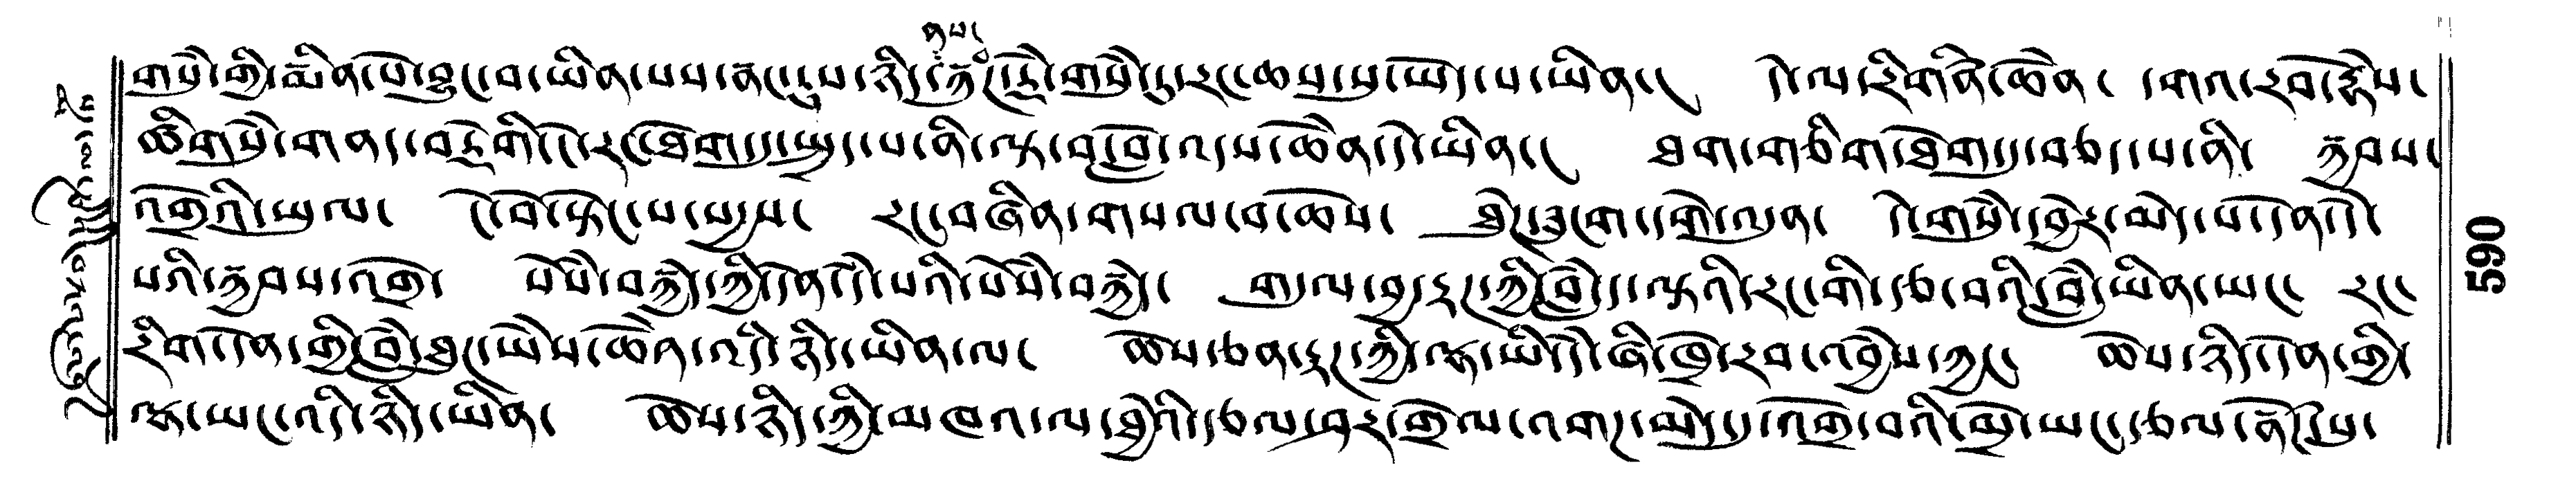གསུམ་གྱི་སྨིན་པོ་བྱུང་བ་ཡིན་པས་སྣང་དུས་ཉིད་ནས་སྐུ་གསུང་ཐུགས་རྡོ་རྗེ་གསུམ་དུ་རང་ཆས་སུ་ཡོད་པ་ཡིན། དེ་ལ་རིག་འཛིན་ཆེན་པོ་དགའ་རབ་རྡོ་རྗེས་
ཚིག་གསུམ་གནད་བརྡེག་གི་ངོ་རང་ཐོག་ཏུ་སྤྲད་པ་ནི་ལྟ་བ་བློ་འདས་ཆེན་པོ་དེ་ཡིན། ཐག་གཅིག་ཐོག་དུ་བཅད་པ་ནི། སྐྱབས་
འགྲོའི་ཡུལ། ངོ་བོ་སྟོང་པ་སངས་རྒྱས། རང་བཞིན་གསལ་བ་ཆོས། ཐུགས་རྗེ་ཟུང་འཇུག་ ( ཀུན་ཁྱབ་མིན་ནམ་སྙམ། ) དགེ་འདུན། དེ་གསུམ་དབྱེར་མེད་པ་དོན་དམ་
པའི་སྐྱབས་འགྲོ། སེམས་བསྐྱེད་ཀྱི་དོན་དམ་པའི་སེམས་བསྐྱེད། གདུལ་བྱ་རྟགས་ཀྱི་བླ་མ་ད་ལྟའི་རང་གི་རྩ་བའི་བླ་མ་ཡིན་ཡང་། རང་
རིག་དོན་གྱི་བླ་མ་ཐུགས་ཡེ་ཤེས་ཆེན་པོ་འདི་ཉིད་ཡིན་ལ། ཆོས་ཅན་རྟགས་ཀྱི་ལྷ་ཡི་དམ་ཞི་ཁྲོ་རབ་འབྱམས་ཀྱང་། ཆོས་ཉིད་དོན་གྱི་
ལྷ་ཡང་འདི་ཉིད་ཡིན། ཆོས་ཉིད་ཀྱི་མཁའ་ལ་ཐུགས་རྗེའི་རྩལ་ཤར་གྲོལ་འགག་མེད་དུ་འགྲོ་བའི་མཁའ་འགྲོ་ཡང་རྩལ་སྣ་ཚོགས་སུ་